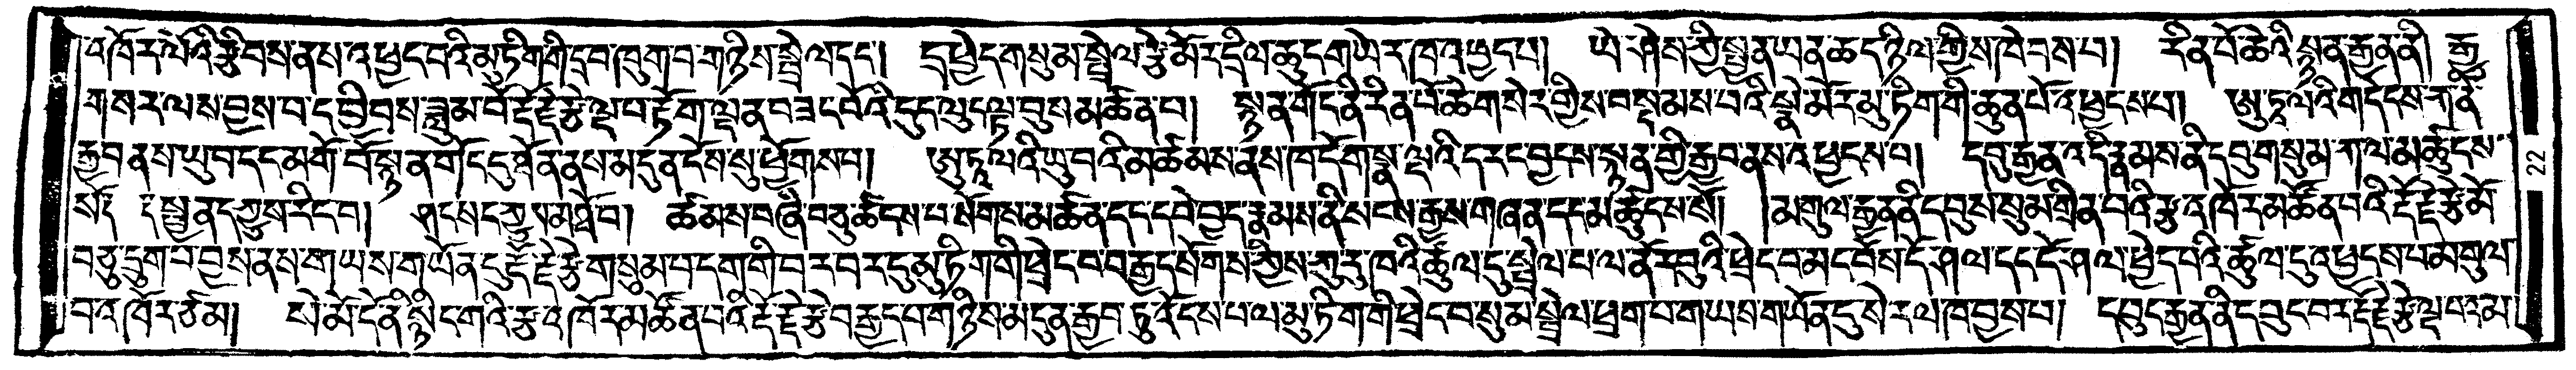འཁོར་ལོའི་རྩིབས་ནས་འཕྱང་བའི་མུ་ཏིག་གི་དྲ་བ་ཁུག་བ་གཉིས་སྦྲེལ་དང་། དྲ་ཕྱེད་གསུམ་སྦྲེལ་རྩེ་མོར་དྲིལ་ཆུང་གཡེར་ཁ་འཕྱང་པ། ཡེ་ཤེས་ཀྱི་སྤྱན་ཡན་ཆད་ཉིལ་གྱིས་ཁེབས་པ། རིན་པོ་ཆེའི་སྙན་རྒྱན་ནི། རྒྱུ་
གསར་ལས་བྱས་པ་དབྱིབས་ཟླུམ་པོ་རྡོ་རྗེ་རྩེ་ལྔ་པ་རྟོག་ལྡན་བཟང་པོའི་དུད་ལུང་ལྟ་བུས་མཚན་པ། སྙན་གོང་ནི་རིན་པོ་ཆེ་གསེར་གྱིས་བསྡམས་པའི་སྣེ་མོར་མུ་ཏིག་གི་ཆུན་པོ་འཕྱངས་པ། ཨུ་ཏྭ་ལའི་གདེངས་ཀ་ནི་
རྒྱབ་ནས་ཡུ་བ་དང་མགོ་བོ་སྙན་གོང་དུ་ཐོན་ནས་མདུན་ངོས་སུ་ཕྱོགས་པ། ཨུཏཱ་ལའི་ཡུ་བའི་མཚམས་ནས་ཁ་དོག་སྣ་ལྔའི་དར་དབྱངས་སྙན་གྱི་རྒྱབ་ནས་འཕྱངས་པ། དབུ་རྒྱན་འདི་རྣམས་ནི་དབུ་གསུམ་ཀ་ལ་མཚུངས་
སོ༑ ༑སྤྱན་དཀྱུས་རིང་བ། ཤངས་དཀྱུས་མཐོ་བ། ཚམས་བཞི་བཅུ་ཚངས་པ་སོགས་མཚན་དང་དཔེ་བྱད་རྣམས་ནི་སངས་རྒྱས་གཞན་དང་མཚུངས་སོ། །མགུལ་རྒྱན་ནི་དབུས་སུ་མགྲིན་པའི་རྩ་འཁོར་མཚོན་པའི་རྡོ་རྗེ་རྩེ་མོ་
བཅུ་དྲུག་པ་བྱས་ནས་གཡས་གཡོན་དུ་རྡོ་རྗེ་རྩེ་གསུམ་པ་དག་གི་བར་བར་དུ་མུ་ཏིག་གི་ཕྲེང་བ་བརྒྱད་སོགས་ཀྱིས་ཀུ་རུ་ཁའི་ཚུལ་དུ་སྤྲེལ་པ་ལ་ནོར་བུའི་ཕྲེང་བ་མང་པོས་དོ་ཤལ་དང་དོ་ཤལ་ཕྱེད་བའི་ཚུལ་དུ་འཕྱངས་པ་མགུལ་
བ་འཁོར་ཙམ། སེ་མོ་དོ་ནི་སྙིང་གའི་རྩ་འཁོར་མཚོན་པའི་རྡོ་རྗེ་རྩེ་བརྒྱད་པ་གཉིས་མདུན་རྒྱབ་ཏུ་འོངས་པ་ལ་མུ་ཏིག་གི་ཕྲེང་བ་སུམ་སྦྲེལ་ཕྲག་པ་གཡས་གཡོན་དུ་སེར་ལ་ཁ་བྱས་པ། དཔུང་རྒྱན་ནི་དབུང་བར་རྡོ་རྗེ་རྩེ་ལྔ་བའམ་